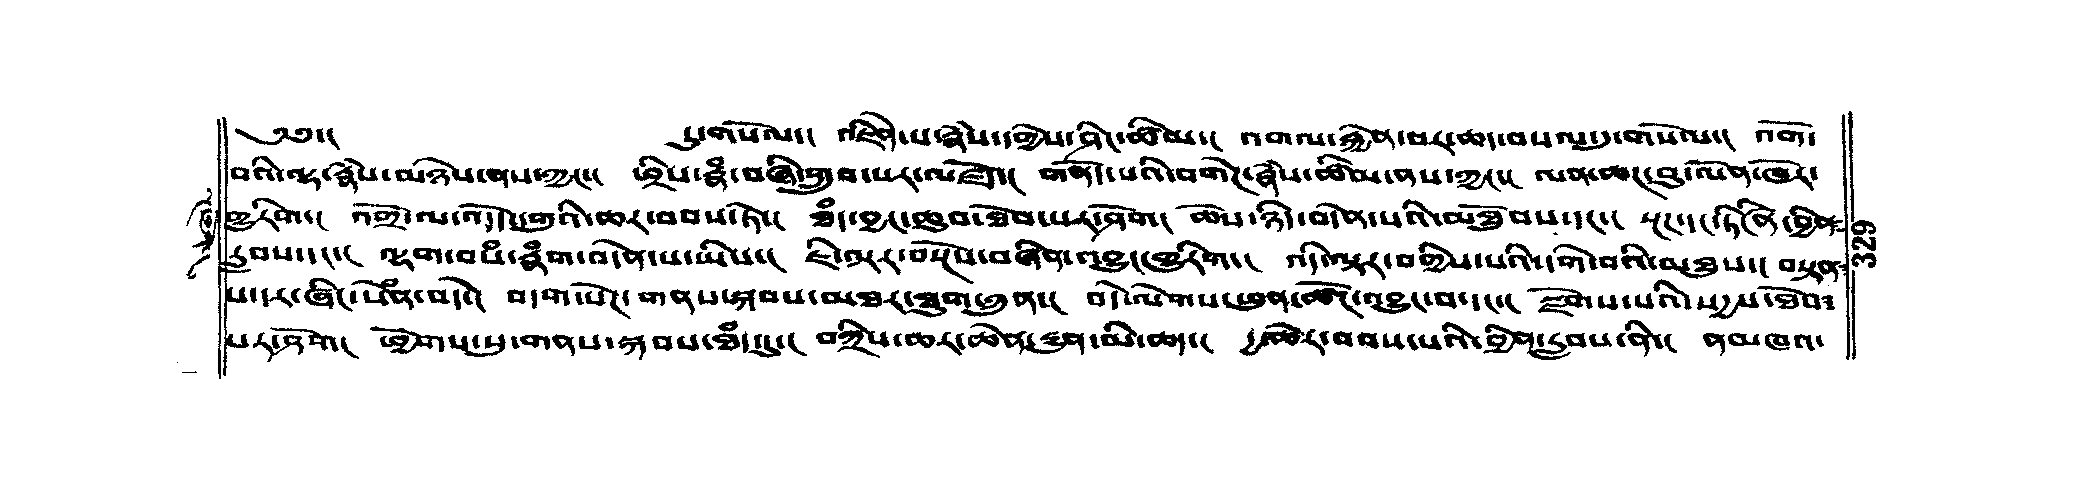དུ་གསོལ། །འཇིག་རྟེན་པ་རྣམས་དགྱེས་ཤིང་ཚིམ། །འགལ་རྐྱེན་བར་ཆད་བསལ་དུ་གསོལ། །བསྒོ་
བའི་ལྷ་རྣམས་མཉེས་ནས་ཀྱང་། །ཕྲིན་ལས་རྣམ་བཞི་གྲུབ་པར་མཛོད། །གནོད་པའི་བགེགས་རྣམས་ཚིམ་ནས་ཀྱང་། །ལན་ཆགས་བུ་ལོན་འཁོར་
གྱུར་ཅིག་།འགྲོ་ལ་འདོད་དགུའི་ཆར་ཕབས་ཏེ། །ཐམས་ཅད་བྱང་ཆུབ་ཐོབ་པར་ཤོག་།ཆོས་ཉིད་བདེན་པའི་མཐུ་སྟོབས་དང་། །སྔགས་དང་ཏིང་འཛིན་བྱིན་
རླབས་དང་། ལྷག་བསམ་རྣམ་དག་བདེན་པ་ཡིས། །ཇི་ལྟར་བསྔོས་བཞིན་འབྱུང་གྱུར་ཅིག་།འདི་ལྟར་བགྱིས་པའི་དགེ་བའི་མཐུས། །བསྟན་
པ་དར་ཞིང་སེམས་ཅན་བདེ། །བདག་སོགས་གནས་སྐབས་མཐར་ཐུག་ཀུན། །བདེ་ལེགས་ཕུན་ཚོགས་འབྱུང་བ་དང་། །རྫོགས་པའི་སངས་རྒྱས་ཐོབ་
པར་ཤོག་།ཕྱོགས་དུས་གནས་སྐབས་ཐམས་ཅད་དུ། །བཀྲ་ཤིས་ཆར་ཆེན་རྒྱུན་མི་ཆད། །རྒྱ་ཆེར་བབས་པའི་བྱིན་རླབས་ནི། །ནམ་མཁའ་